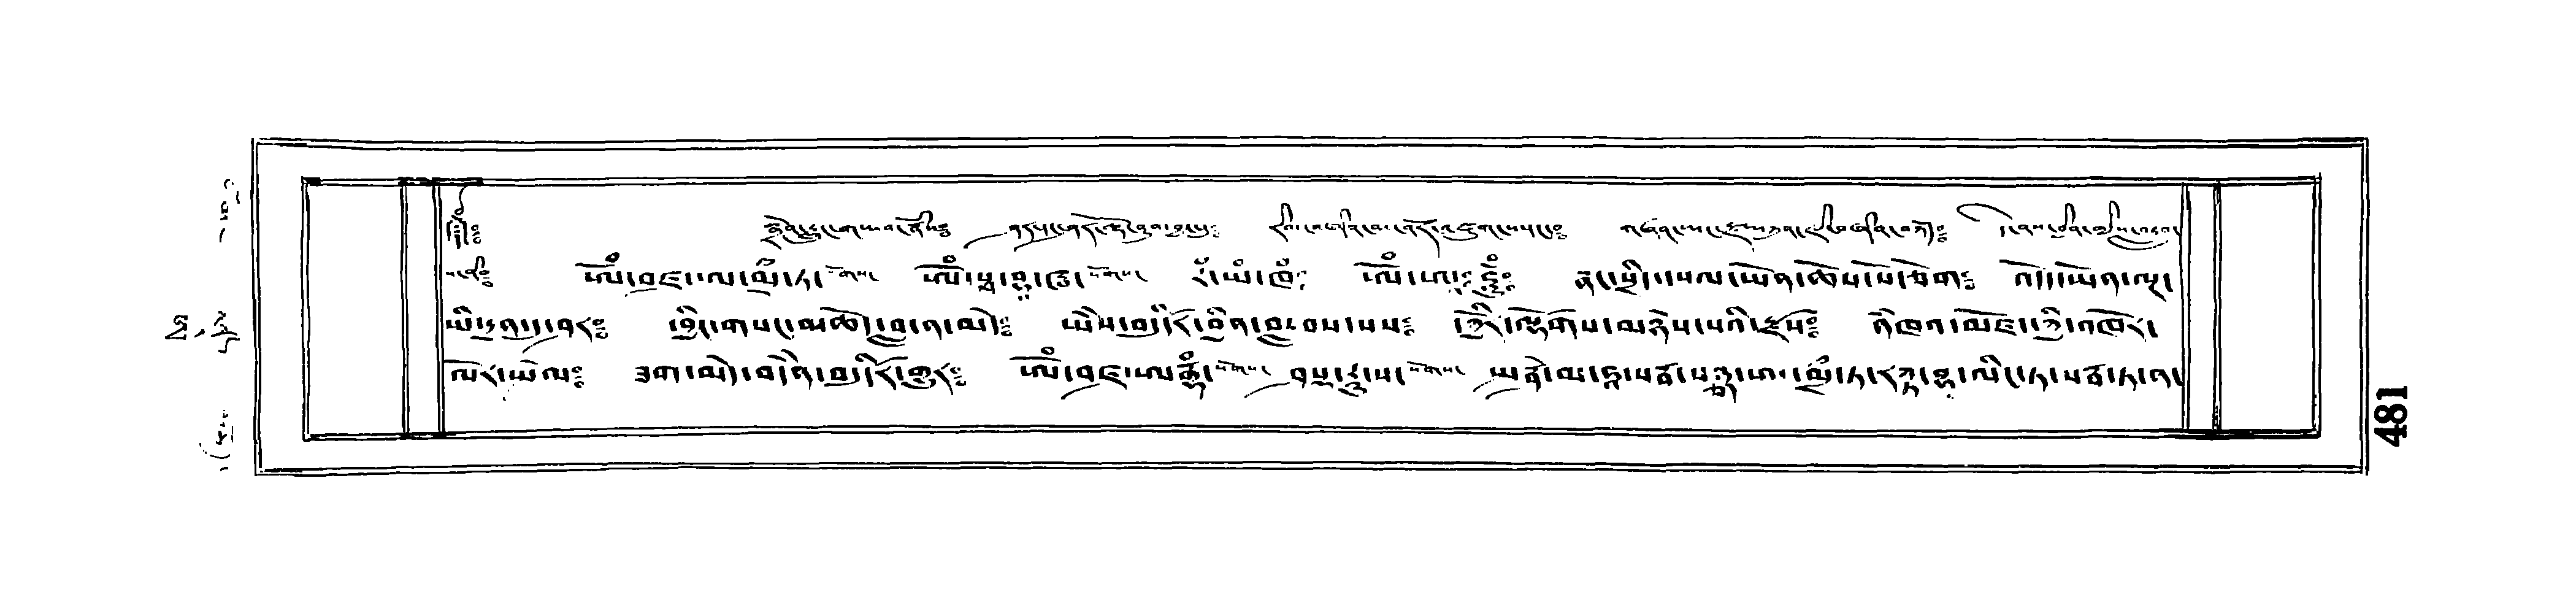སྒྲོན་རླུང་གཡབ་རྣམས༔ ཤར་དང་ཤར་ལྷོ་ནུབ་བྱང་དུ༔ རིམ་བཞིན་མ་ནོར་འཛུགས་པ་དང༔ གཞན་ཡང་རྫས་ཀུན་ཇི་བཞིན་བཀོད༔ དེ་ནས་བྱིན་གྱིས་བརླབ་པ་
ནི༔ ཨོཾ་བཛྲ་ཨ་མྲྀ་ཏ་སོགས༔ ཨོཾ་སྭ་བྷཱ་ཝ་སོགསཿ རཾ་ཡཾ་ཁཾཿ ཨོཾ་ཨཱཿཧཱུྃཿ སྣང་སྲིད་དཔལ་ཡོན་ཆོས་སོ་ཅོག༔ འདོད་ཡོན་ལྔ་
ཡི་རྒྱན་དུ་ཤར༔ ཕྱི་ནང་གསང་མཆོད་བླ་ན་མེད༔ ཡེ་ཤེས་བདུད་རྩིར་བྱིན་བརླབས་པས༔ དཀྱིལ་འཁོར་ལྷ་ཚོགས་མཉེས་པའི་རྫས༔ ནམ་མཁའ་མཛོད་ཀྱི་འཁོར་
ལོར་སྤེལ༔ ཟག་མེད་བདེ་ཆེན་བདུད་རྩིར་གྱུར༔ ཨོཾ་བཛྲ་ཨརྒྷཾ་སོགས༔ ཤཔྡ་རཱུ་པ་སོགས༔ སྤརྴེ་མ་ཧཱ་སརྦ་པཉྩ་ཨ་མྲྀ་ཏ་རཀྵ་བྷ་ལིང་ཏ་སརྦ་ཏ་ན་